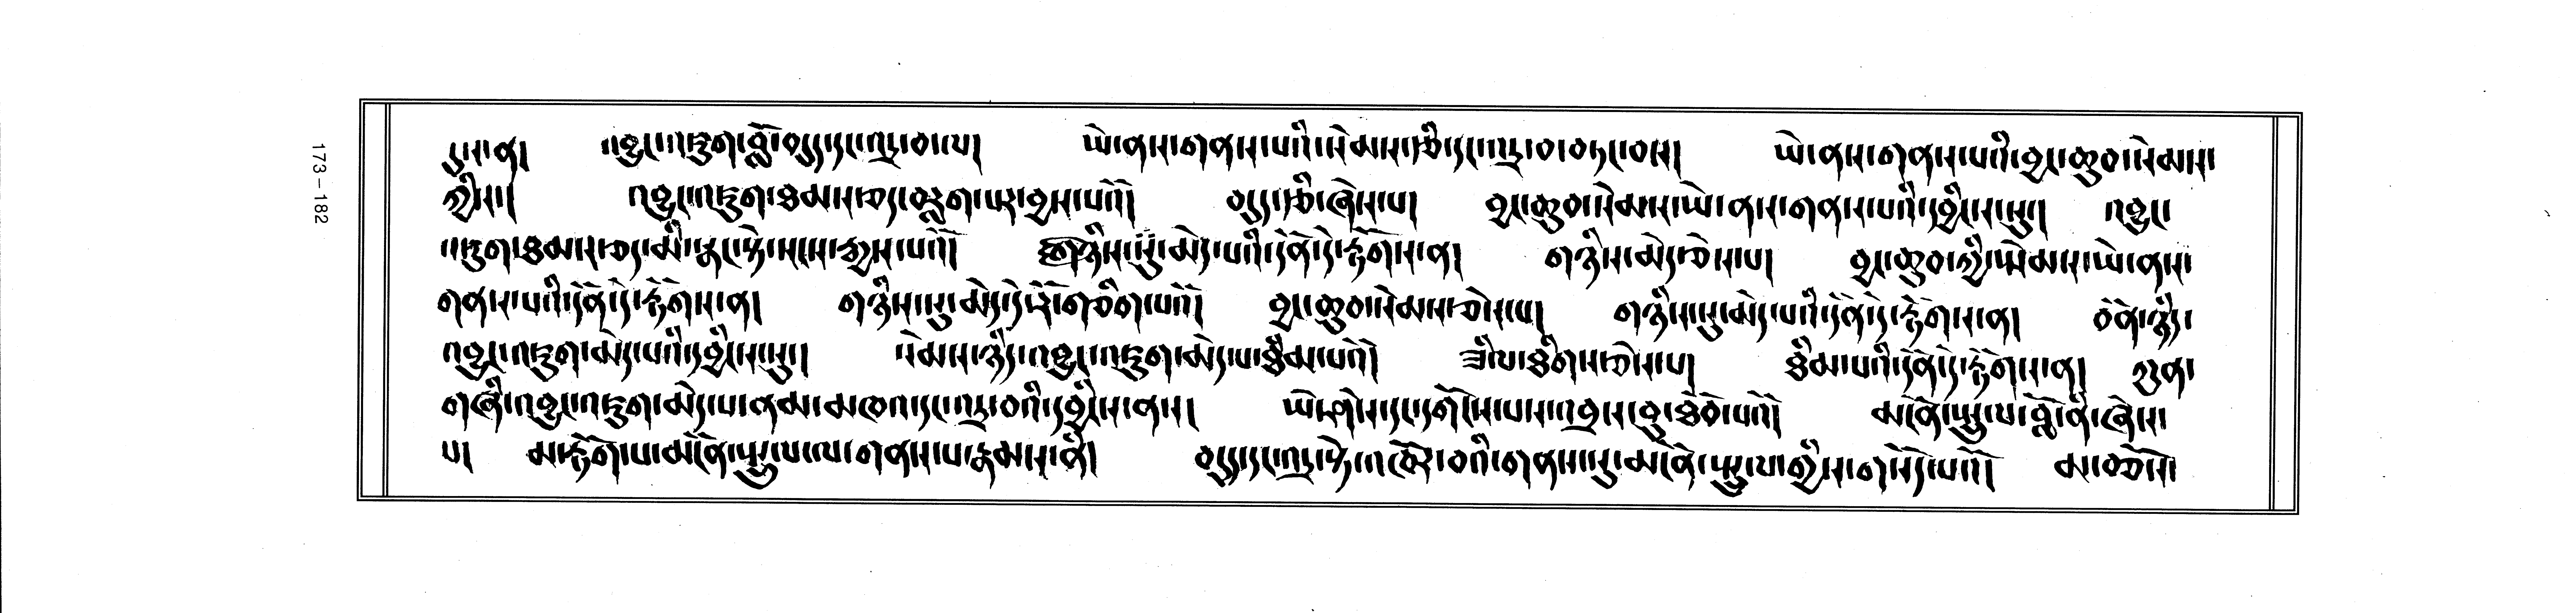དུས་ན། འབྱུང་འཇུག་བློ་བདུད་དང་འདྲ་བ་ལ། ཡེ་ནས་གནས་པའི་སེམས་རྩི་དང་འདྲ་བ་བཏང་བས། ཡེ་ནས་གནས་པའི་བྱང་ཆུབ་སེམས་
ཀྱིས། འབྱུང་འཇུག་ཐམས་ཅད་བརླག་པར་བྱས་པའོ། །བདུད་རྩི་ཞེས་པ་བྱང་ཆུབ་སེམས་ཡེ་ནས་གནས་པའི་དབྱིངས་སུ། འབྱུང་
འཇུག་ཐམས་ཅད་མི་སྣང་སྟེ་སངས་རྒྱས་པའོ། ། གཉིས་སུ་མེད་པའི་དོན་དེ་རྟོགས་ན། གཉིས་མེད་ཅེས་པ། བྱང་ཆུབ་ཀྱི་སེམས་ཡེ་
ནས་གནས་པའི་དོན་དེ་རྟོགས་ན། གཉིས་སུ་མེད་པའི་རོ་གཅིག་པའོ། །བྱང་ཆུབ་ཀྱི་སེམས་ཅེས་པ། གཉིས་སུ་མེད་པའི་དོན་དེ་རྟོགས་ན། བོན་ཉིད་
འབྱུང་འཇུག་མེད་པའི་དབྱིངས་སུ། སེམས་ཉིད་འབྱུང་འཇུག་མེད་པ་ཐིམ་པའོ། །ཟིལ་ཐིགས་ཅེས་པ། ཐིམ་པའི་དོན་དེ་རྟོགས་ན། ཀུན་
གཞི་འབྱུང་འཇུག་མེད་པ་ནམ་མཁའ་དང་འདྲ་བའི་དབྱིངས་ན། ཡེ་ཤེས་དང་དགོངས་པ་འབྲས་བུ་ཐོབ་པའོ། །མངོན་སྤྲུལ་བློ་ནི་ཞེས་
པ། མ་རྟོགས་པ་མངོན་སྤྲུལ་ལ་གནས་པ་རྣམས་ནི། བདུད་དང་འདྲ་སྟེ་འཁོར་བའི་གནས་སུ་མངོན་སྤྲུལ་གྱིས་གསོད་པའོ། །མ་བཅོས་